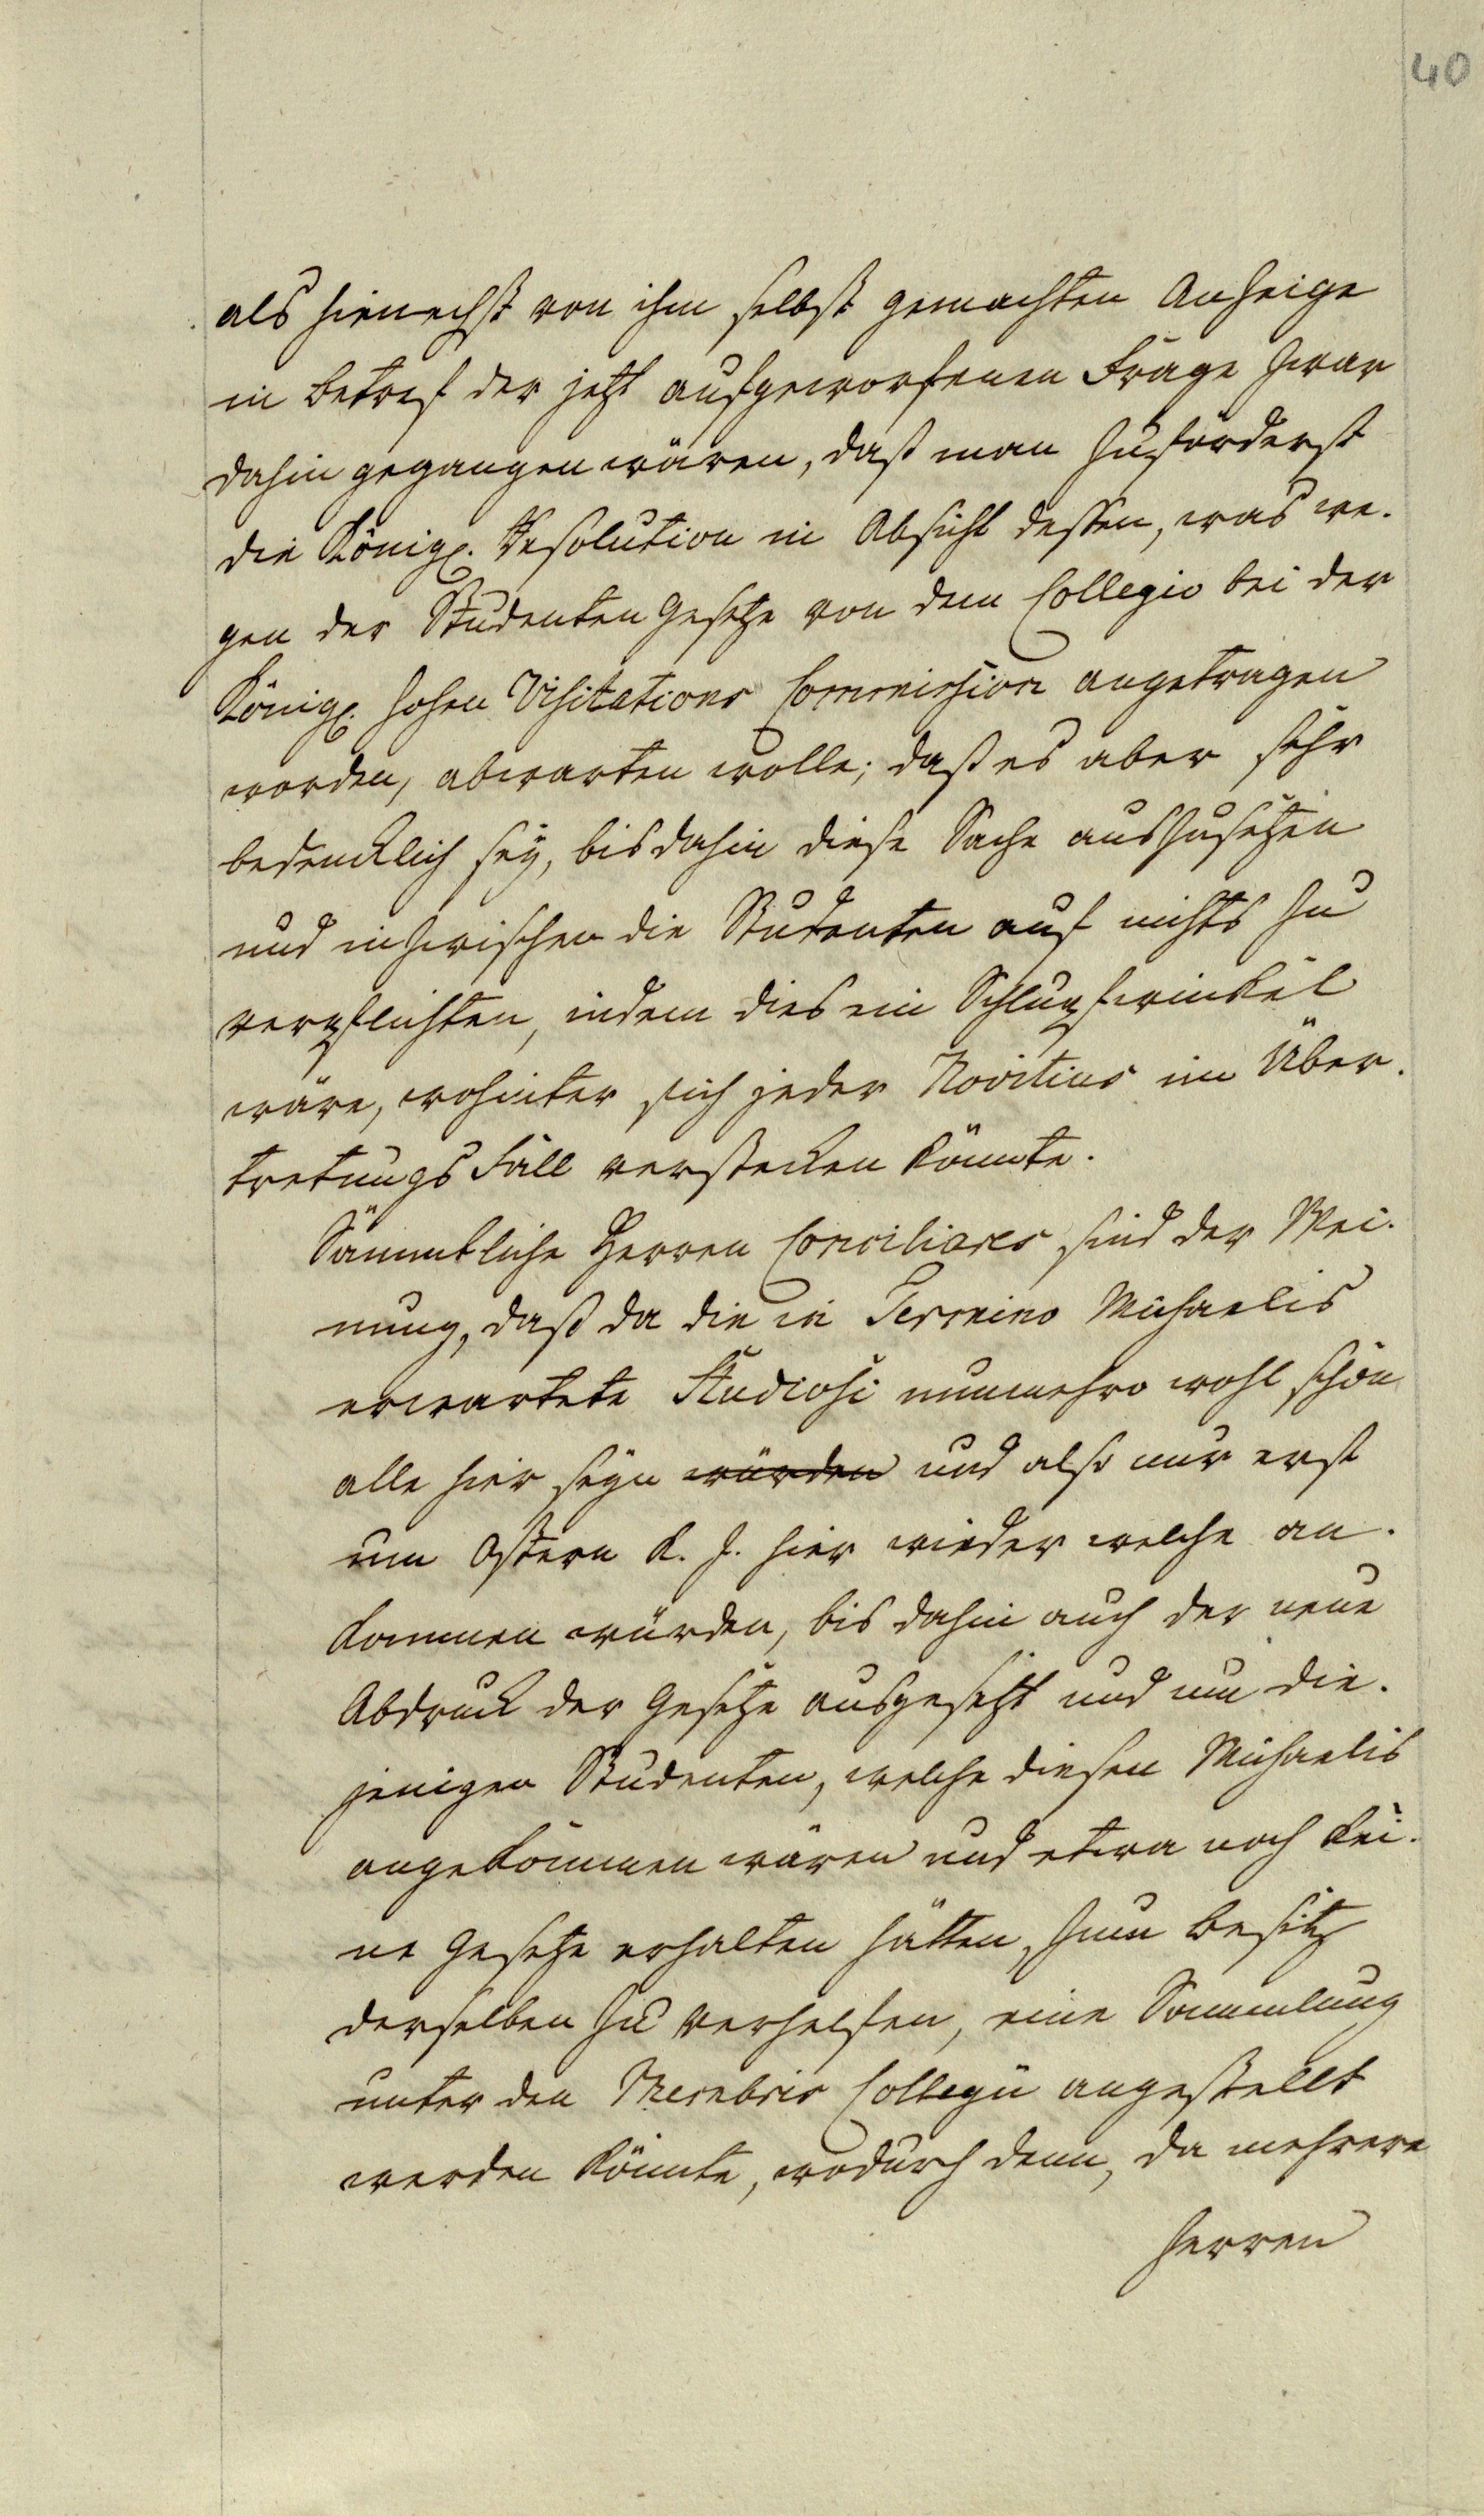als hienechst von ihm selbst gemachten Anzeige
in Betref der jetzt aufgeworfenen Frage zwar
dahin gegangen wären, daß man zuförderst
die Königl. Resolution in Absicht dessen, was we¬
gen der Studenten Gesetze von dem Collegio bei der
Königl. hohen Visitations Commission angetragen
worden, abwarten wolle; daß es aber sehr
dedencklich seÿ, bis dahin diese Sache auszusetzen
und inzwischen die Studenten auf nichts zu
verpflichten, indem dies ein Schlupfwinkel
wäre, wohinter sich jeder Novitius im Über¬
tretungs Fall verstecken könnte.
Sämmtliche Herren Conciliares sind der Mei¬
nung, daß da die in Termino Michaelis
erwartete Studiosi nunmehro wohl schon
alle hier seÿn würden und also nur erst
um Ostern K. J. hier wieder welche an¬
kommen würden, bis dahin auch der neue
Abdruck der Gesetze ausgesetzt und um die¬
jenigen Studenten, welche diesen Michaelis
angekommen wären und etwa noch kei¬
ne Gesetze erhalten hätten, zum Besitz
derselben zu verhelfen, eine Sammlung
unter den Membris Collegii angestellt
werden könnte, wodurch denn, da mehrere
Herren